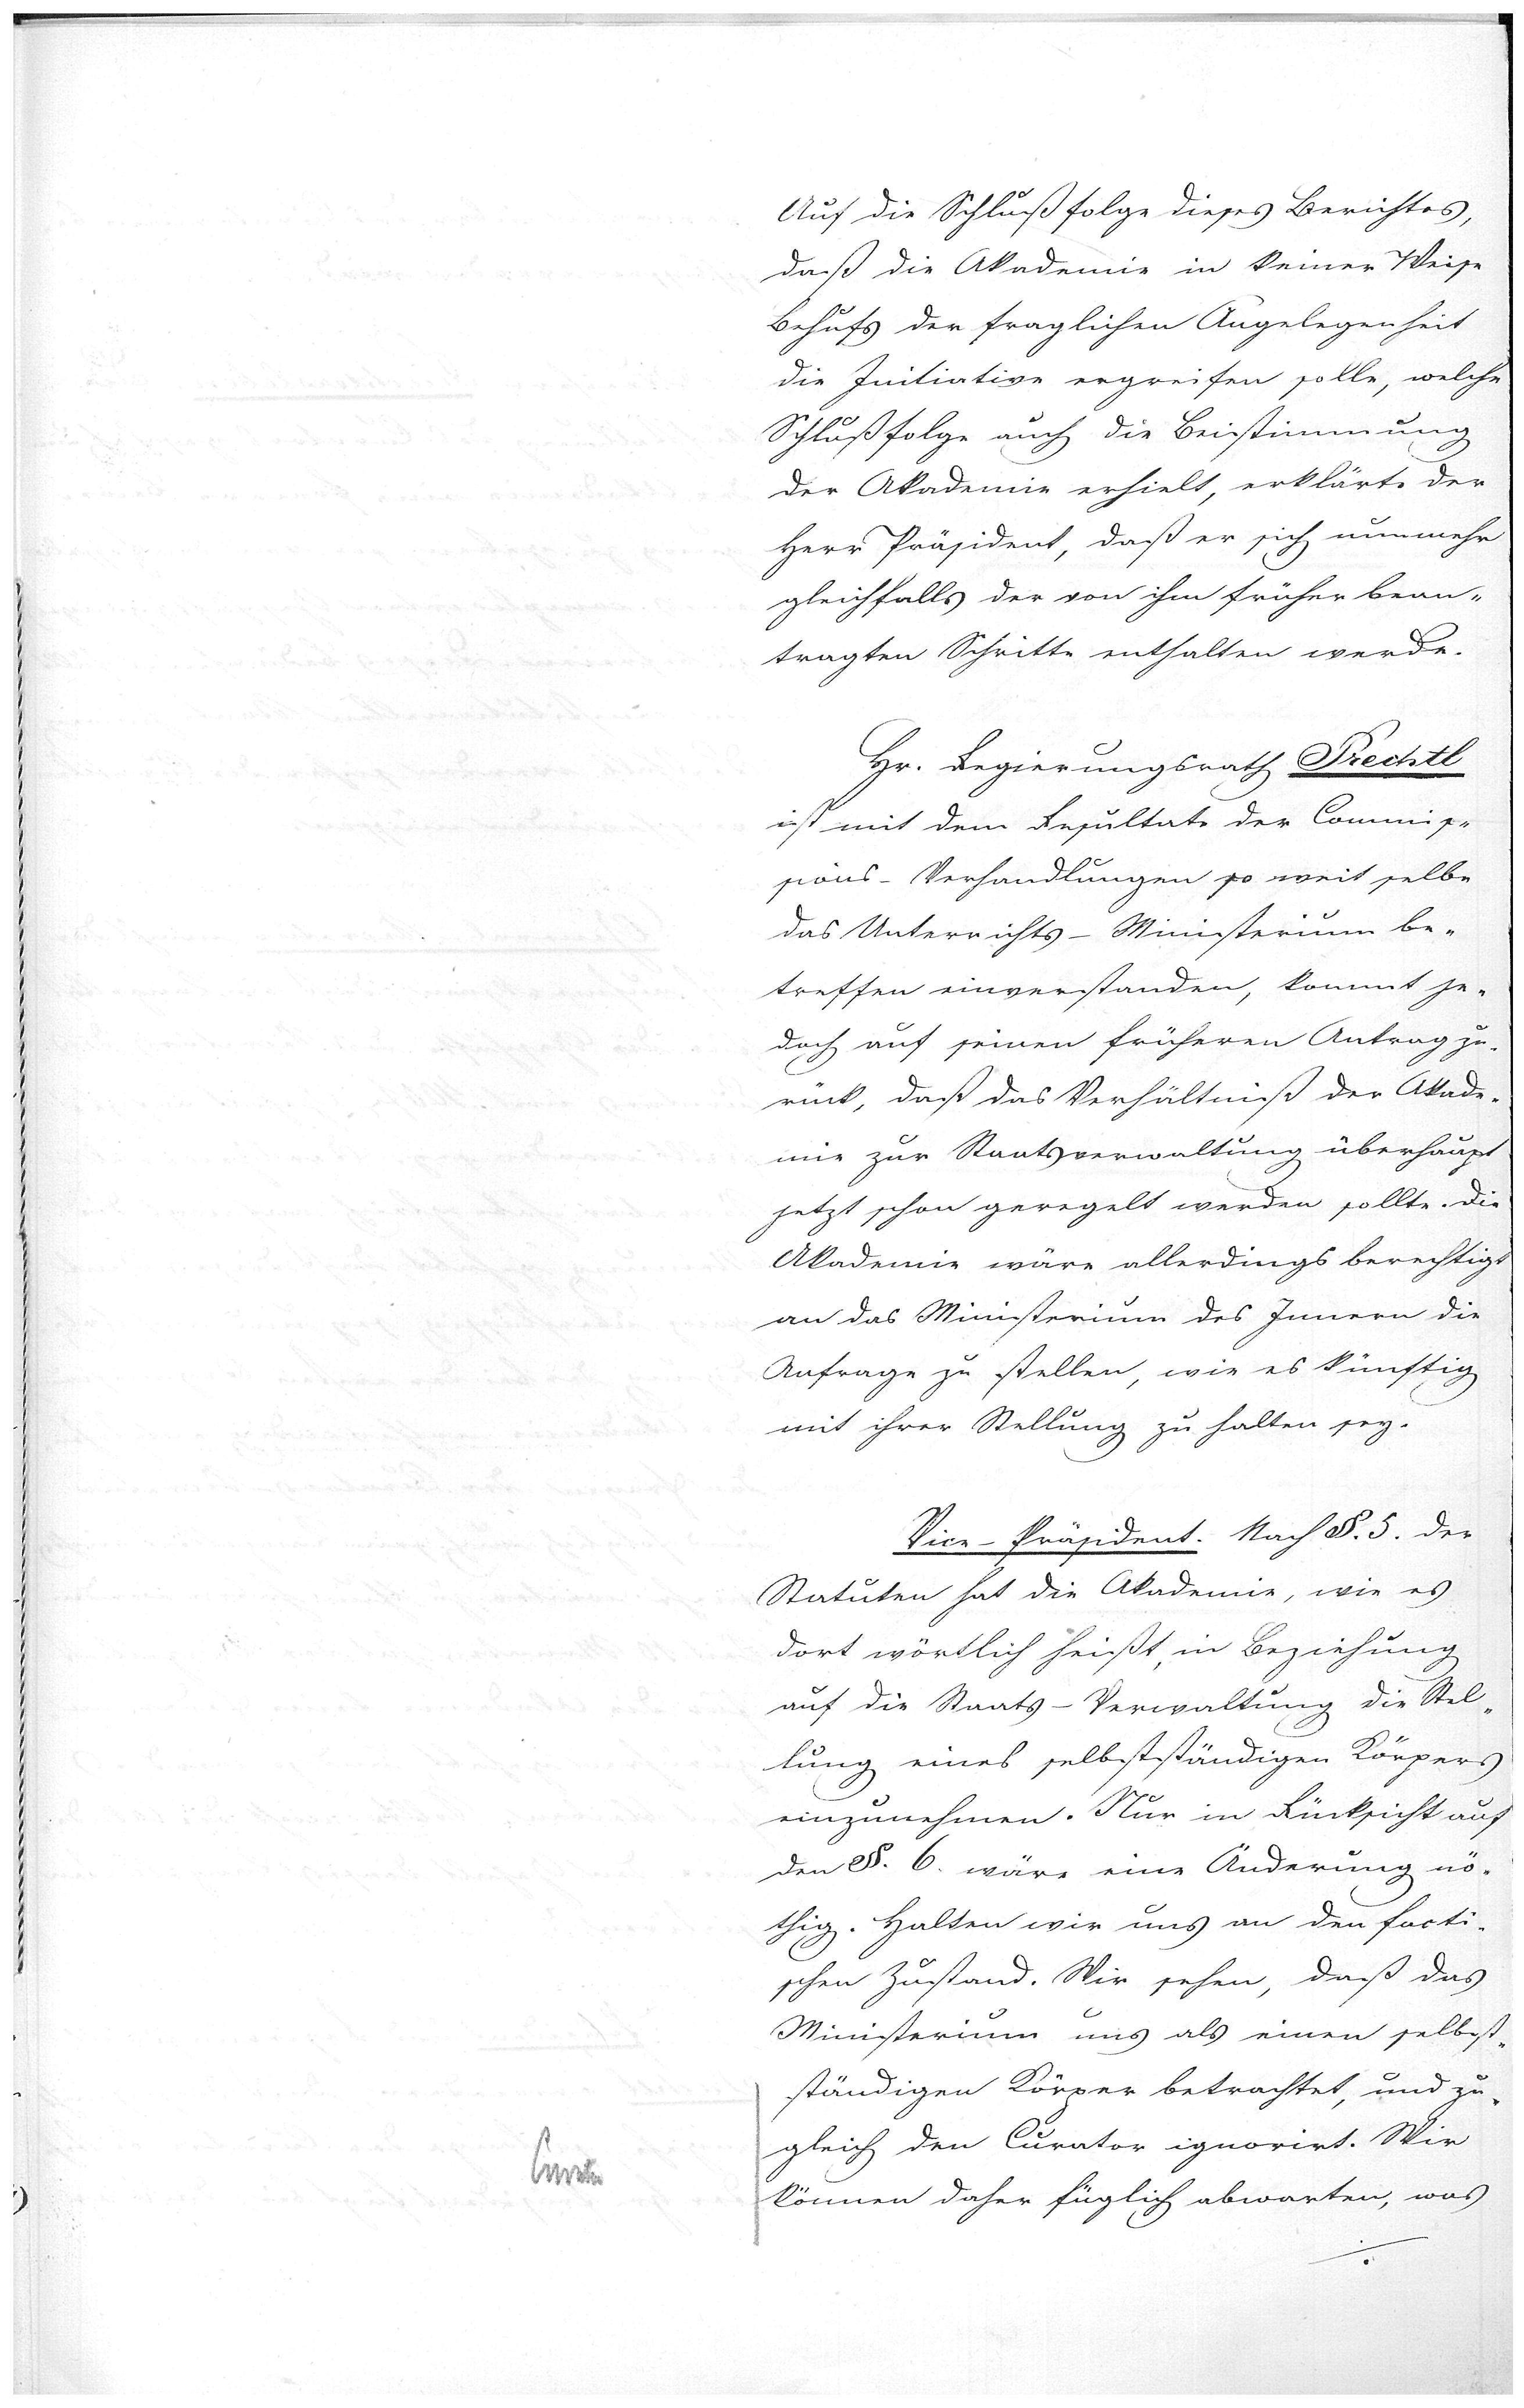Auf die Schlußfolge dieses Berichtes,
daß die Akademie in keiner Weise
behufs der fraglichen Angelegenheit
die Initiative eingreifen solle, welche
Schlußfolge auch die Beistimmung
der Akademie erhielt, erklärte der
Herr Präsident, daß er sich nunmehr
gleichfalls der von ihm früher bean-
tragten Schritte enthalten werde.
Hr. Regierungsrath Prechtl
ist mit dem Resultat der Comis-
sions-Verhandlungen so weit selbe
das Unterrichts-Ministerium be-
treffen einverstanden, kommt je-
doch auf seinen früheren Antrag zu-
rück, daß das Verhältniß der Akade-
nur zur Staatsverwaltung überhaupt
jetzt schon geregelt werden sollte. Die
Akademie wäre allerdings berechtigt
an das Ministerium des Innern die
Anfrage zu stellen, wie es künftig
mit ihrer Stellung zu halten sey.
Vice-Präsident: Nach §.5. der
Statuten hat die Akademie, wie es
dort wörtlich heißt, in Beziehung
auf die Staats-Verwaltung die Stel-
lung eines selbstständigen Körpers
einzunehmen. Nur in Rücksicht auf
den §.6. wäre eine Änderung nö-
thig. Halten wir uns an den facti-
schen Zustand. Wir sehen, daß das
Ministerium uns als einen selbst-
ständigen Körper betrachtet, und zu-
gleich den Curator ignorirt. Wir
können daher füglich abwarten, was